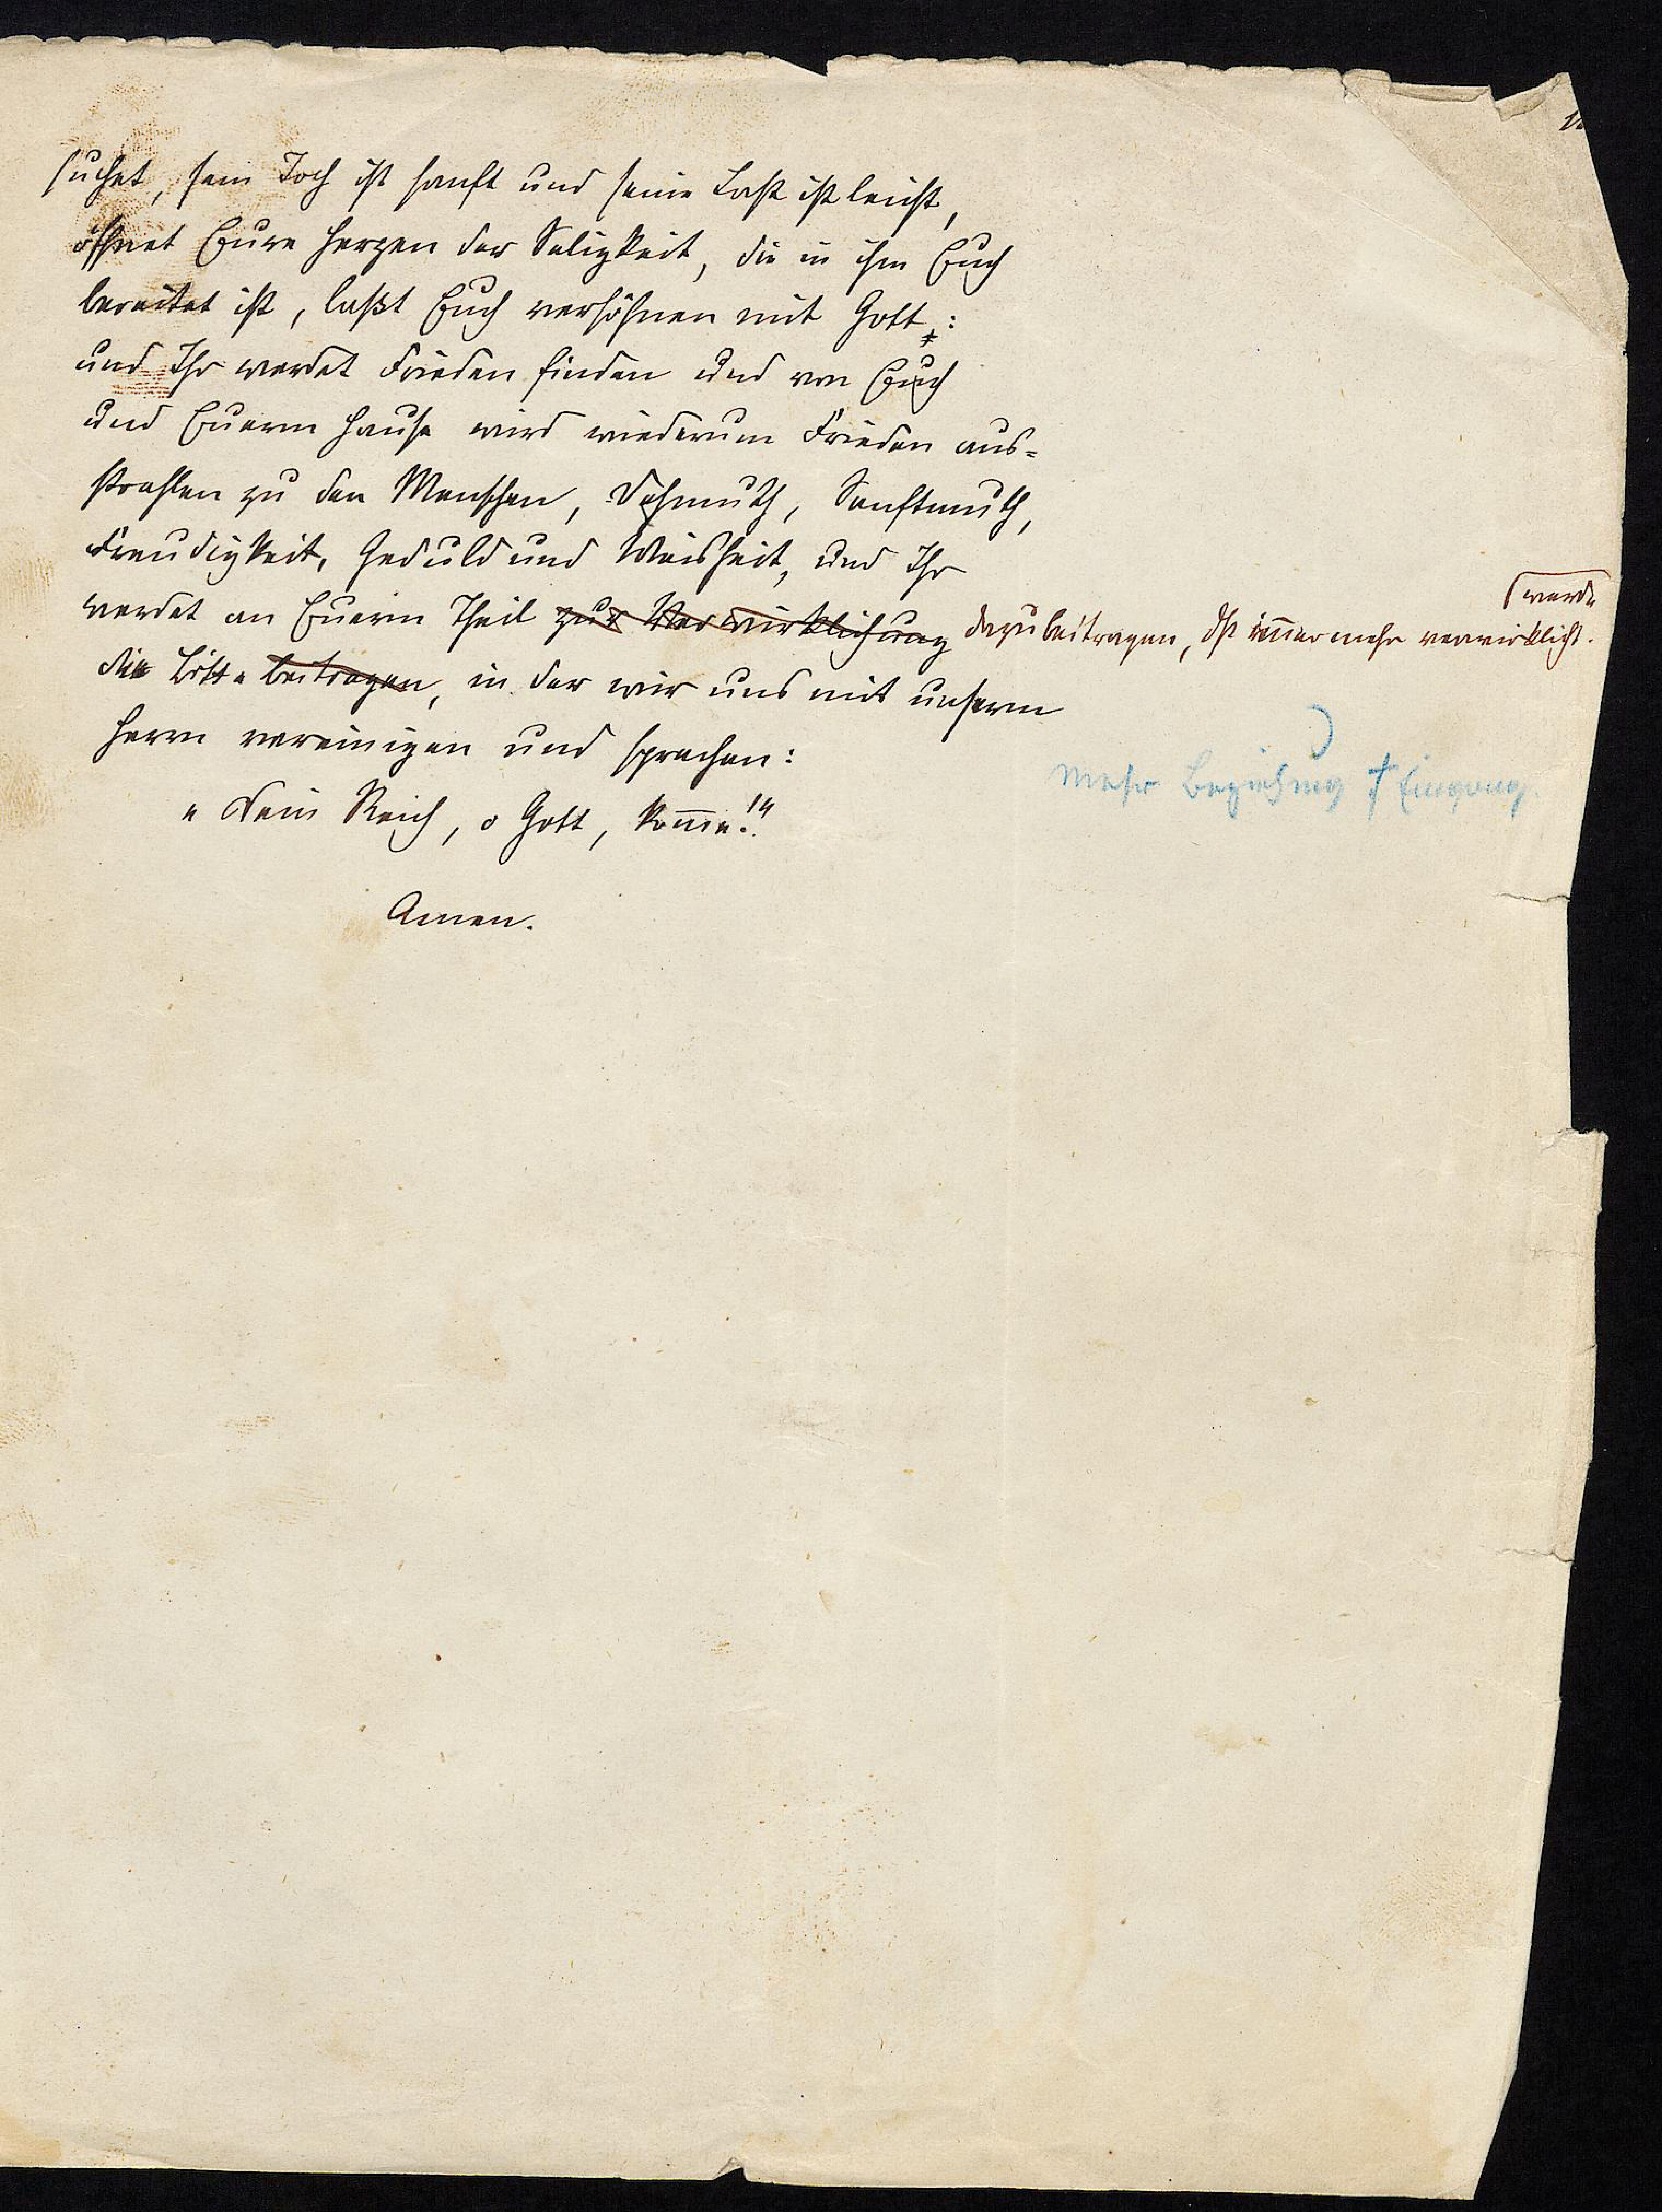suchet, sein Joch ist sanft und seine Last ist leicht,
öffnet Eure Herzen der Seligkeit, die in ihm Euch
bereitet ist, laßt Euch versöhnen mit Gott,:
und Ihr werdet Frieden finden und von Euch
und Euerm Hause wird wiederum Frieden aus¬
strahlen zu den Menschen, Dehmuth, Sanftmuth,
Freudigkeit, Geduld und Weisheit, und Ihr
werde
erste an Euerm Theil zur Verwirklichung dazu beitragen, dß imer mehr verwirklicht
die Bitte beitragen, in der wir uns mit unserm
Herrn vereinigen und sprechen:
mehr Begrüsung + Eingang
"Dein Reich, o Gott, kome!"
Amen